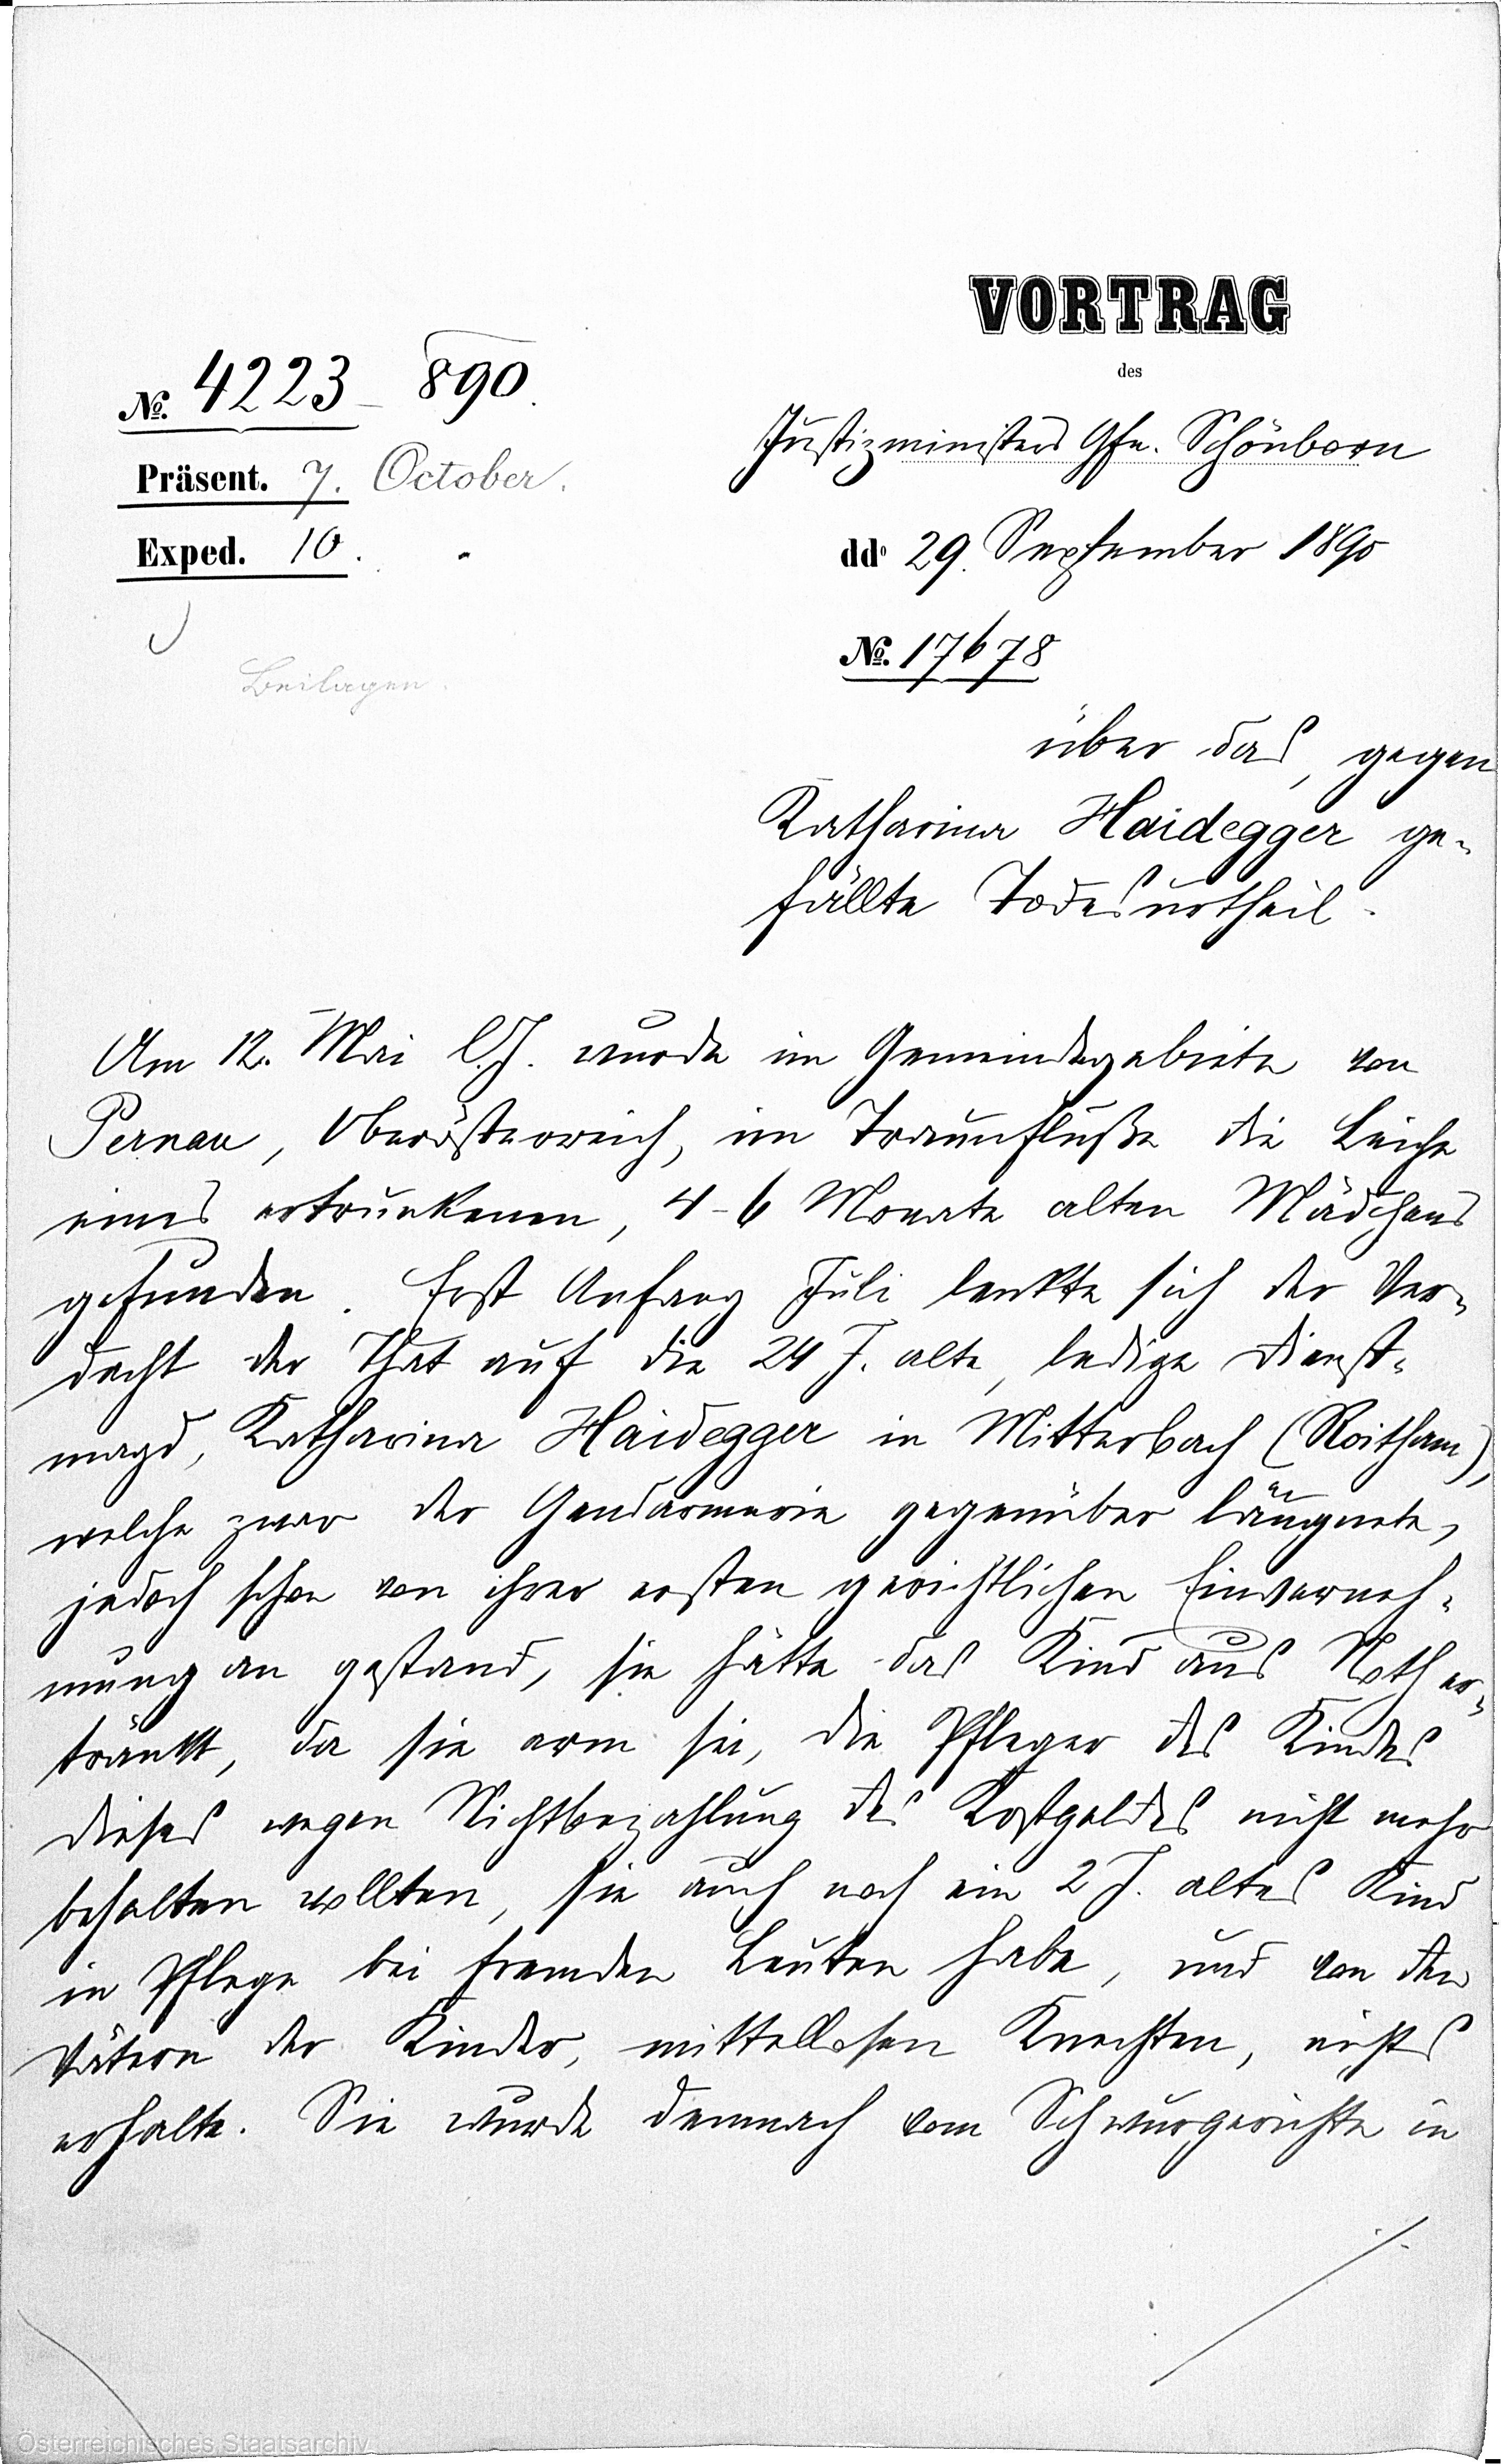VORTRAG
des
Justizministers Gfe. Schönborn
dd° 29. September 1890
N° 17678
über das, gegen
Katharina Haidegger ge¬
fällte Todesurtheil.
Am 12. Mai l.J. wurde im Gemeindegebiete von
Pernau, Oberösterreich, im Traunfluße die Leiche
eines ertrunkenen, 4-6 Monate alten Mädchens
gefunden. Erst Anfang Juli lenkte sich der Ver¬
dacht der That auf die 24 J. alte, ledige Dienst¬
magd, Katharina Haidegger in Mitterbach (Roitham),
welche zwar der Gendarmerie gegenüber läugnete,
jedoch schon von ihrer ersten gerichtlichen Einverneh¬
mung an gestand, sie hätte das Kind aus Noth er¬
tränkt, da sie arm sie, die Pfleger des Kindes
dieses wegen Nichtbezahlung des Kostgeldes nicht mehr
behalten wollten, sie auch noch ein 2 J. altes Kind
in Pflege bei fremden Leuten habe, und xx den
Vätern der Kinder, mittellosen Knechten, nichts
erhalte. Sie wurde demnach vom Schwurgerichte in
N° 4223-890.
Präsent. 7. October.
Exped. 10. October.
Beilagen.